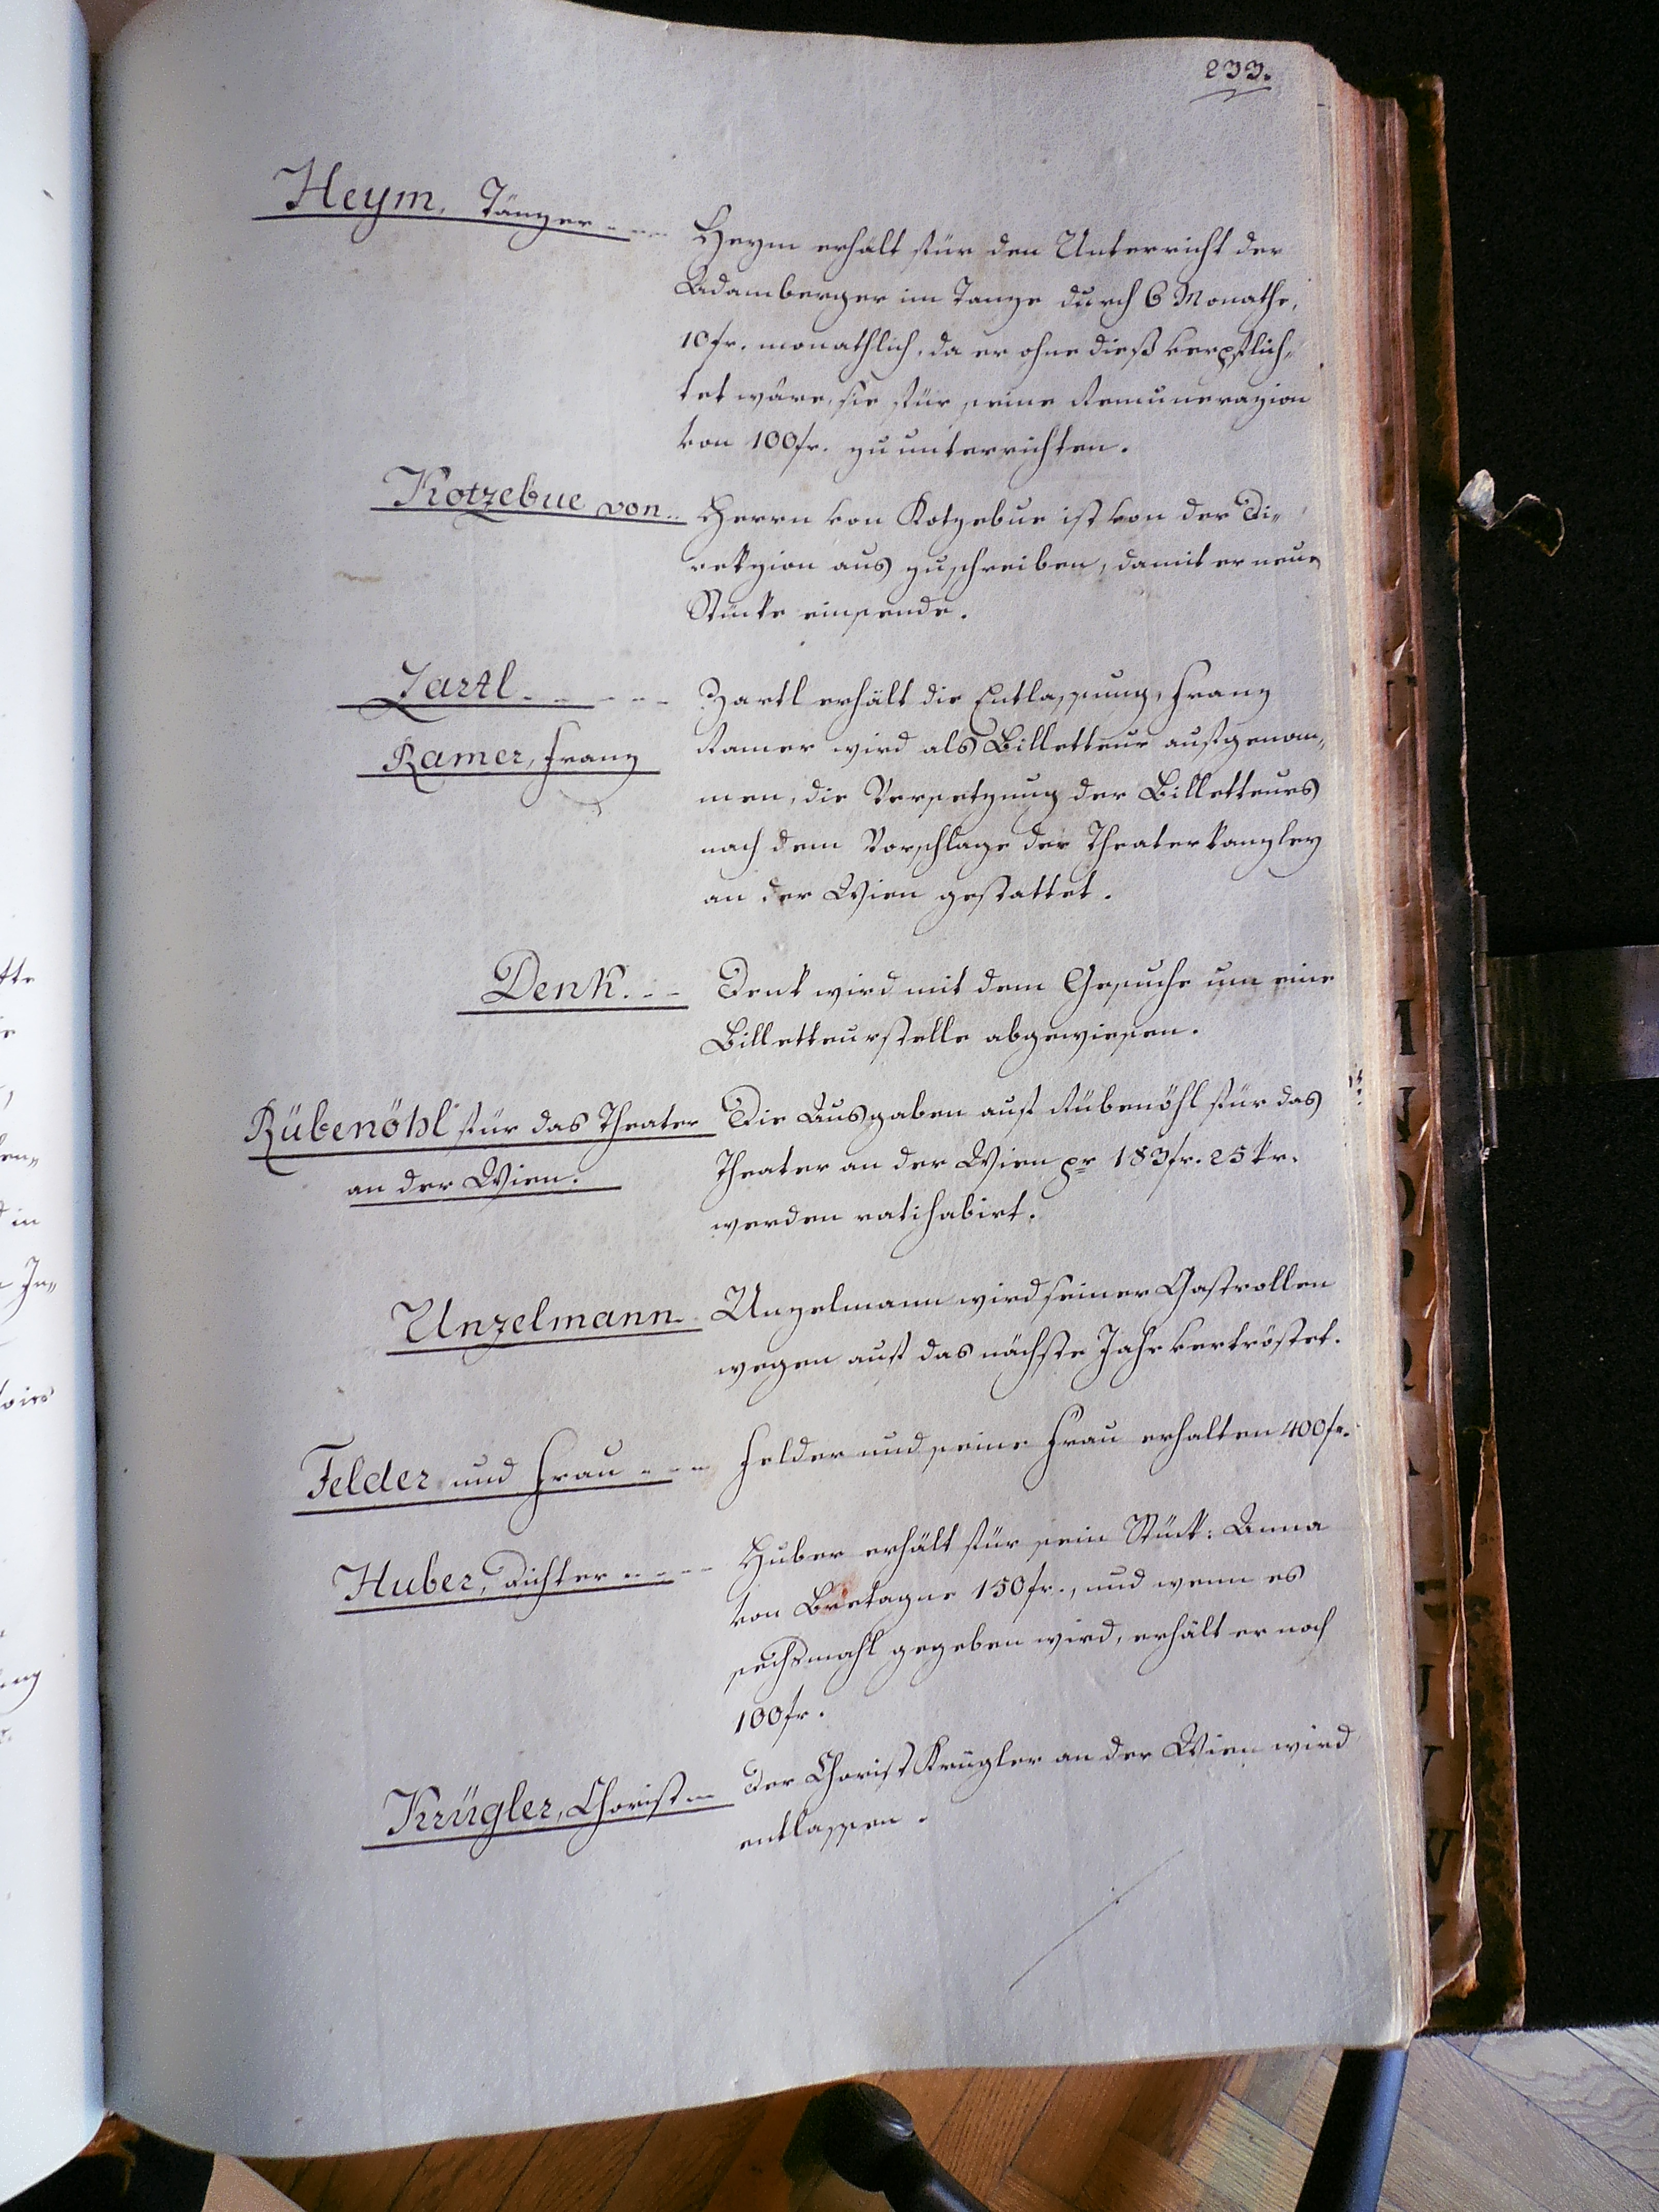233.
Heym, Tänzer .. .. .. Heym erhält für den Unterricht der
Adamberger im Tanze durch 6 Monathe,
10fr. monathlich, da er ohne dieß verpflich¬
tet wäre, sie für seine Remunerazion
von 100fr. zu unterrichten.
Kotzebue von .. Herrn von Kotzebuer ist von der Di¬
rekzion aus zuschreiben, damit er neue
Stücke einsende.
Zartl .. .. .. .. ..
Ramer, Franz
Zartl erhält die Entlassung, Franz
Ramer wird als Billetteur aufgenom¬
men, die Versetzung der Billetteurs
nach dem Vorschlage der Theaterkanzley
an der Wien gestattet.
Denk. .. .. Denk wird mit dem Gesuche um eine
Billetteurstelle abgewiesen.
Rübenöhl für das Theater
an der Wien.
Die Ausgaben auf Rübenöhl für das
Theater an der Wien pr͇ 183fr. 25kr.
werden ratihabirt.
Unzelmann Unzelmann wird seiner Gastrollen
wegen auf das nächste Jahr vertröstet.
Felder und Frau .. .. .. Felder und seine Frau erhalten 400fr.
Huber, Dichter .. .. .. .. Huber erhält für sein Stück: Anna
von Bretagne 150fr., und wenn es
sechsmahl gegeben wird, erhält er noch
100fr.
Krügler, Chorist ... Der Chorist Krügler an der Wien wird
entlassen.